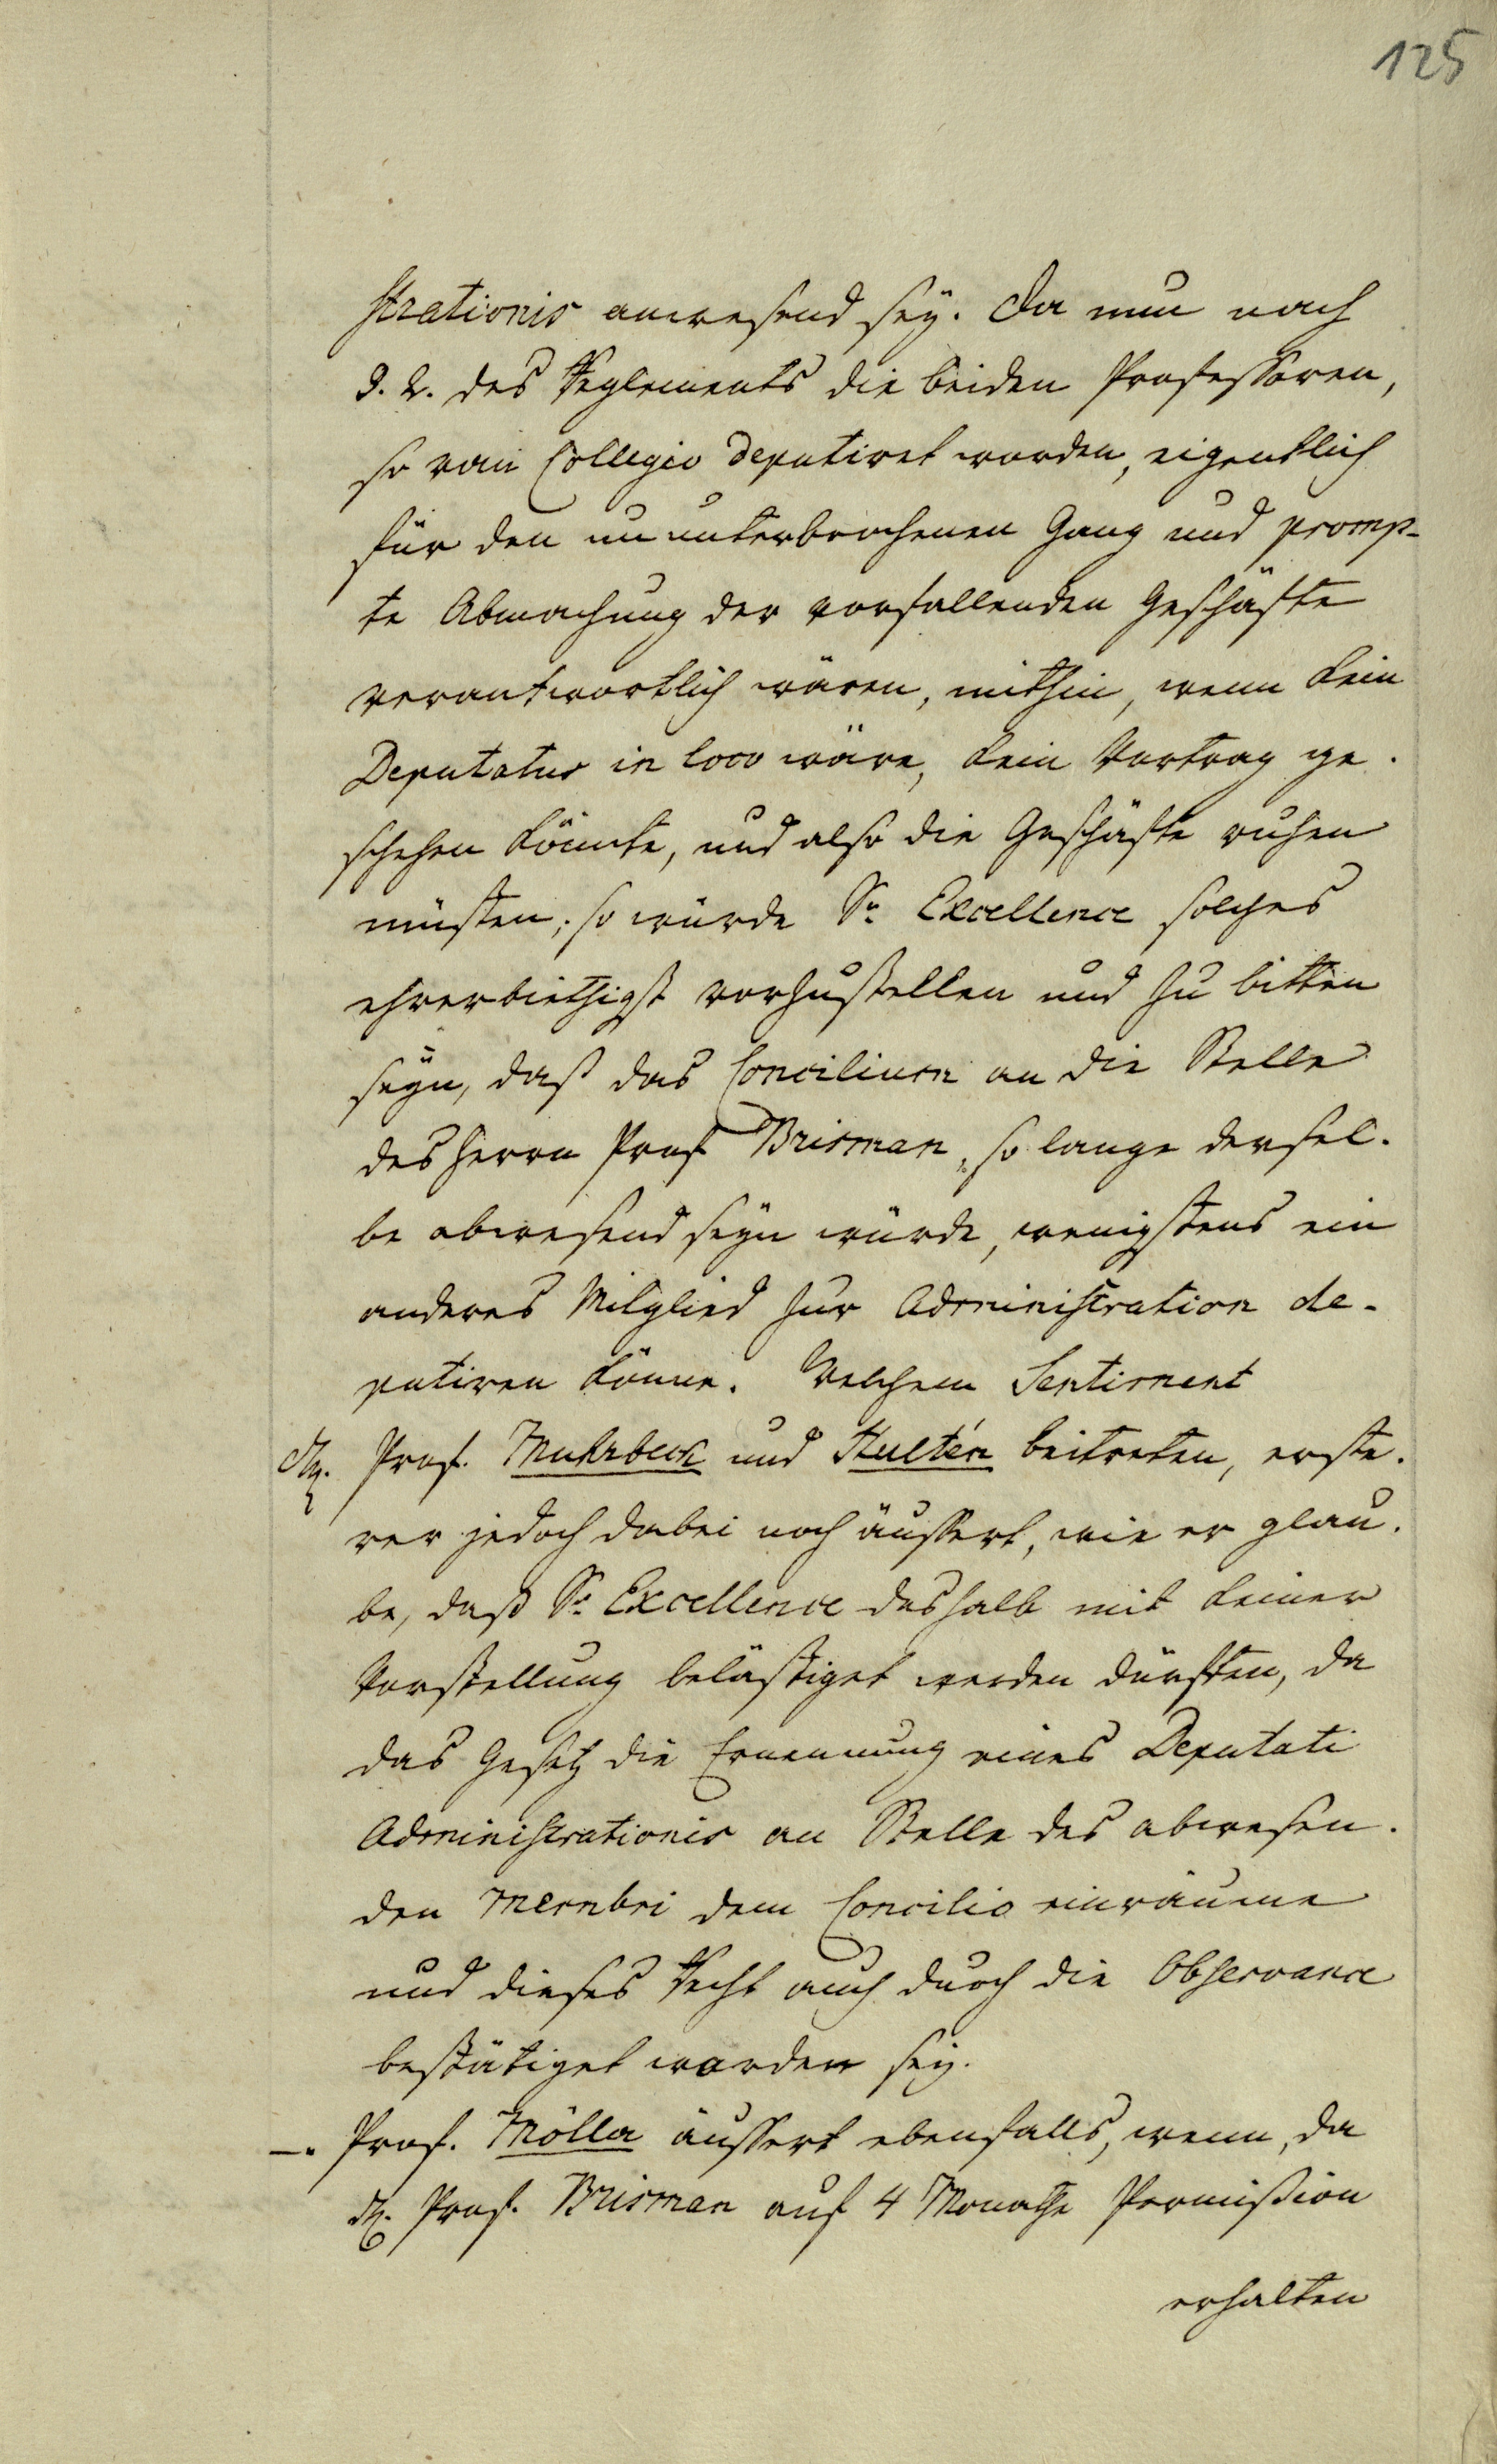strationis anwesend seÿ. Da nun nach
§. 2. des Reglements die beiden Professoren,
so vom Collegio deputiret worden, eigentlich
für den im unterbrochenen Gang und promp¬
te Abmachung der vorfallenden Geschäfte
verantwortlich wären, mithin, wenn kein
Deputatus in loco wäre, kein Vortrag ge¬
schehen könnte, und also die Geschäfte ruhen
müßten, so würde Sr Excellence solches
ehrerbiethigst vorzustellen und zu bitten
seÿn, daß das Concilium an die Stelle
des Herrn Prof Brisman, so lange dersel¬
be abwesend seÿn würde, wenigstens ein
anderes Mitglied zur Administration de¬
putiren könne. Welchem Sentiment
dh. Prof. Muhrbeck und Hultén beitreten, erste¬
rer jedoch dabei noch äussert, wie er glau¬
be, daß Sr Excellence deshalb mit keiner
Vorstellung belästiget werden dürften, da
das Gesetz die Ernennung eines Deputati
Administrationis an Stelle des abwesen-
den membri dem Concilio einräume
und dieses Recht auch durch die Observance
bestätiget worden seÿ.
Prof. Möller äussert ebenfalls, wenn, da
dh. Prof. Brisman auf 4 Monathe Permißion
erhalten